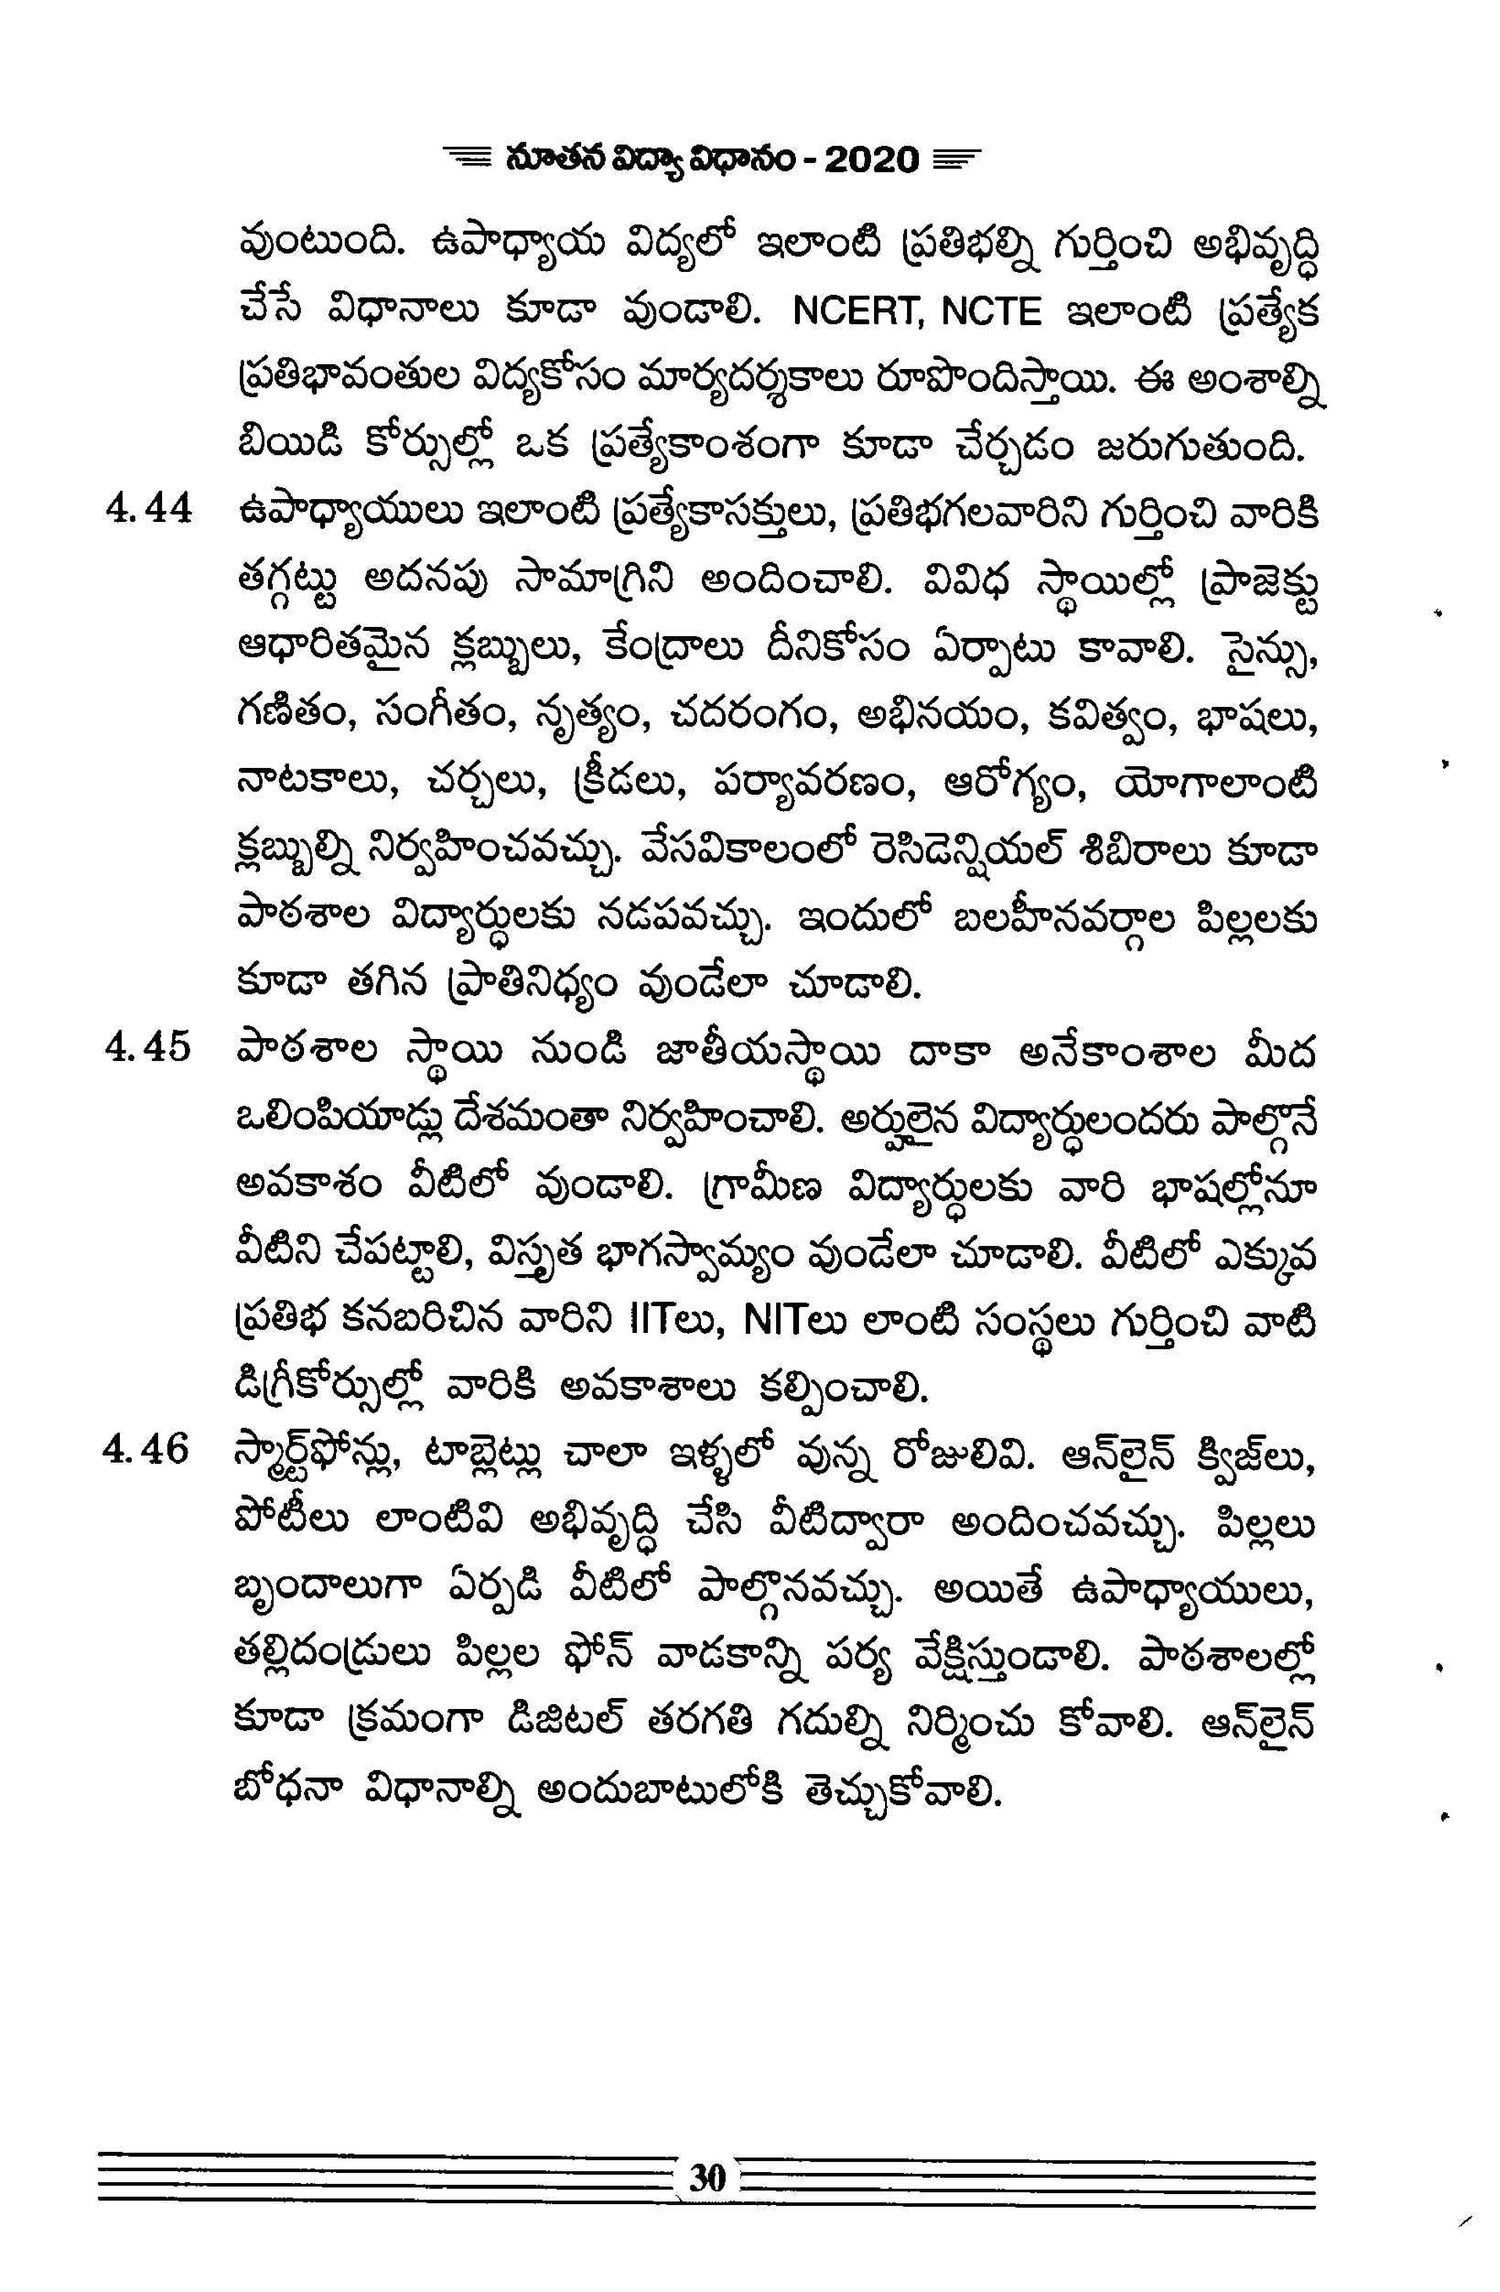ఉపాధ్యాయ విద్యలో ఇలాంటి ప్రతిభలను గుర్తించి అభివృద్ధి చేసే విధానాలు కూడా ఉండాలి. NCERT, NCTE ఈ ప్రత్యేక ప్రతిభావంతుల విద్యకోసం మార్గదర్శకాలు రూపొందిస్తాయి. ఈ అంశాలను B.Ed. కోర్సుల్లో ఒక ప్రత్యేకాంశంగా చేర్చడం జరుగుతుంది.

4.44
ఉపాధ్యాయులు ఇలాంటి ప్రత్యేక ఆసక్తులు, ప్రతిభగలవారిని గుర్తించి వారికి తగిన అదనపు సామగ్రిని అందించాలి. వివిధ స్థాయిల్లో ప్రాజెక్ట్ ఆధారిత క్లబ్బులు, కేంద్రాలు దీనికోసం ఏర్పాటు కావాలి. సైన్స్, గణితం, సంగీతం, నృత్యం, చదరంగం, అభినయం, కవిత్వం, భాషలు, నాటకాలు, చర్చలు, క్రీడలు, పర్యావరణం, ఆరోగ్యం, యోగా వంటి క్లబ్బులను నిర్వహించవచ్చు. వేసవికాలంలో రెసిడెన్షియల్ శిబిరాలు కూడా పాఠశాల విద్యార్థులకు నిర్వహించవచ్చు. ఇందులో బలహీన వర్గాల పిల్లలకు కూడా తగిన ప్రాతినిధ్యం ఉండేలా చూడాలి.

4.45
పాఠశాల స్థాయి నుండి జాతీయ స్థాయి దాకా అనేకాంశాలపై ఒలింపియాడ్లు దేశమంతా నిర్వహించాలి. అర్హత సాధించిన విద్యార్థులందరికీ పాల్గొనడానికి అవకాశం ఉండాలి. గ్రామీణ విద్యార్థులకు వారి భాషల్లోనూ వీటిని నిర్వహించాలి. విస్తృత భాగస్వామ్యం ఉండేలా చూసుకోవాలి. వీటిలో ఎక్కువ ప్రతిభ కనబరిచిన వారిని IITలు, NITలు లాంటి సంస్థలు గుర్తించి వాటి డిగ్రీ కోర్సుల్లో అవకాశాలు కల్పించాలి.

4.46
స్మార్ట్‌ఫోన్లు, టాబ్లెట్లు చాలా ఇళ్లలో ఇప్పుడు అందుబాటులో ఉన్నాయి. ఆన్లైన్ క్విజ్లు, పోటీలు లాంటివి అభివృద్ధి చేసి వీటిద్వారా అందించవచ్చు. పిల్లలు బృందాలుగా ఏర్పడి వీటిలో పాల్గొనవచ్చు. అయితే ఉపాధ్యాయులు, తల్లిదండ్రులు పిల్లల ఫోన్ వాడకాన్ని పర్యవేక్షించాలి. పాఠశాలల్లో కూడా క్రమంగా డిజిటల్ తరగతి గదులను నిర్మించాలి. ఆన్లైన్ బోధనా విధానాలను అందుబాటులోకి తెచ్చుకోవాలి.